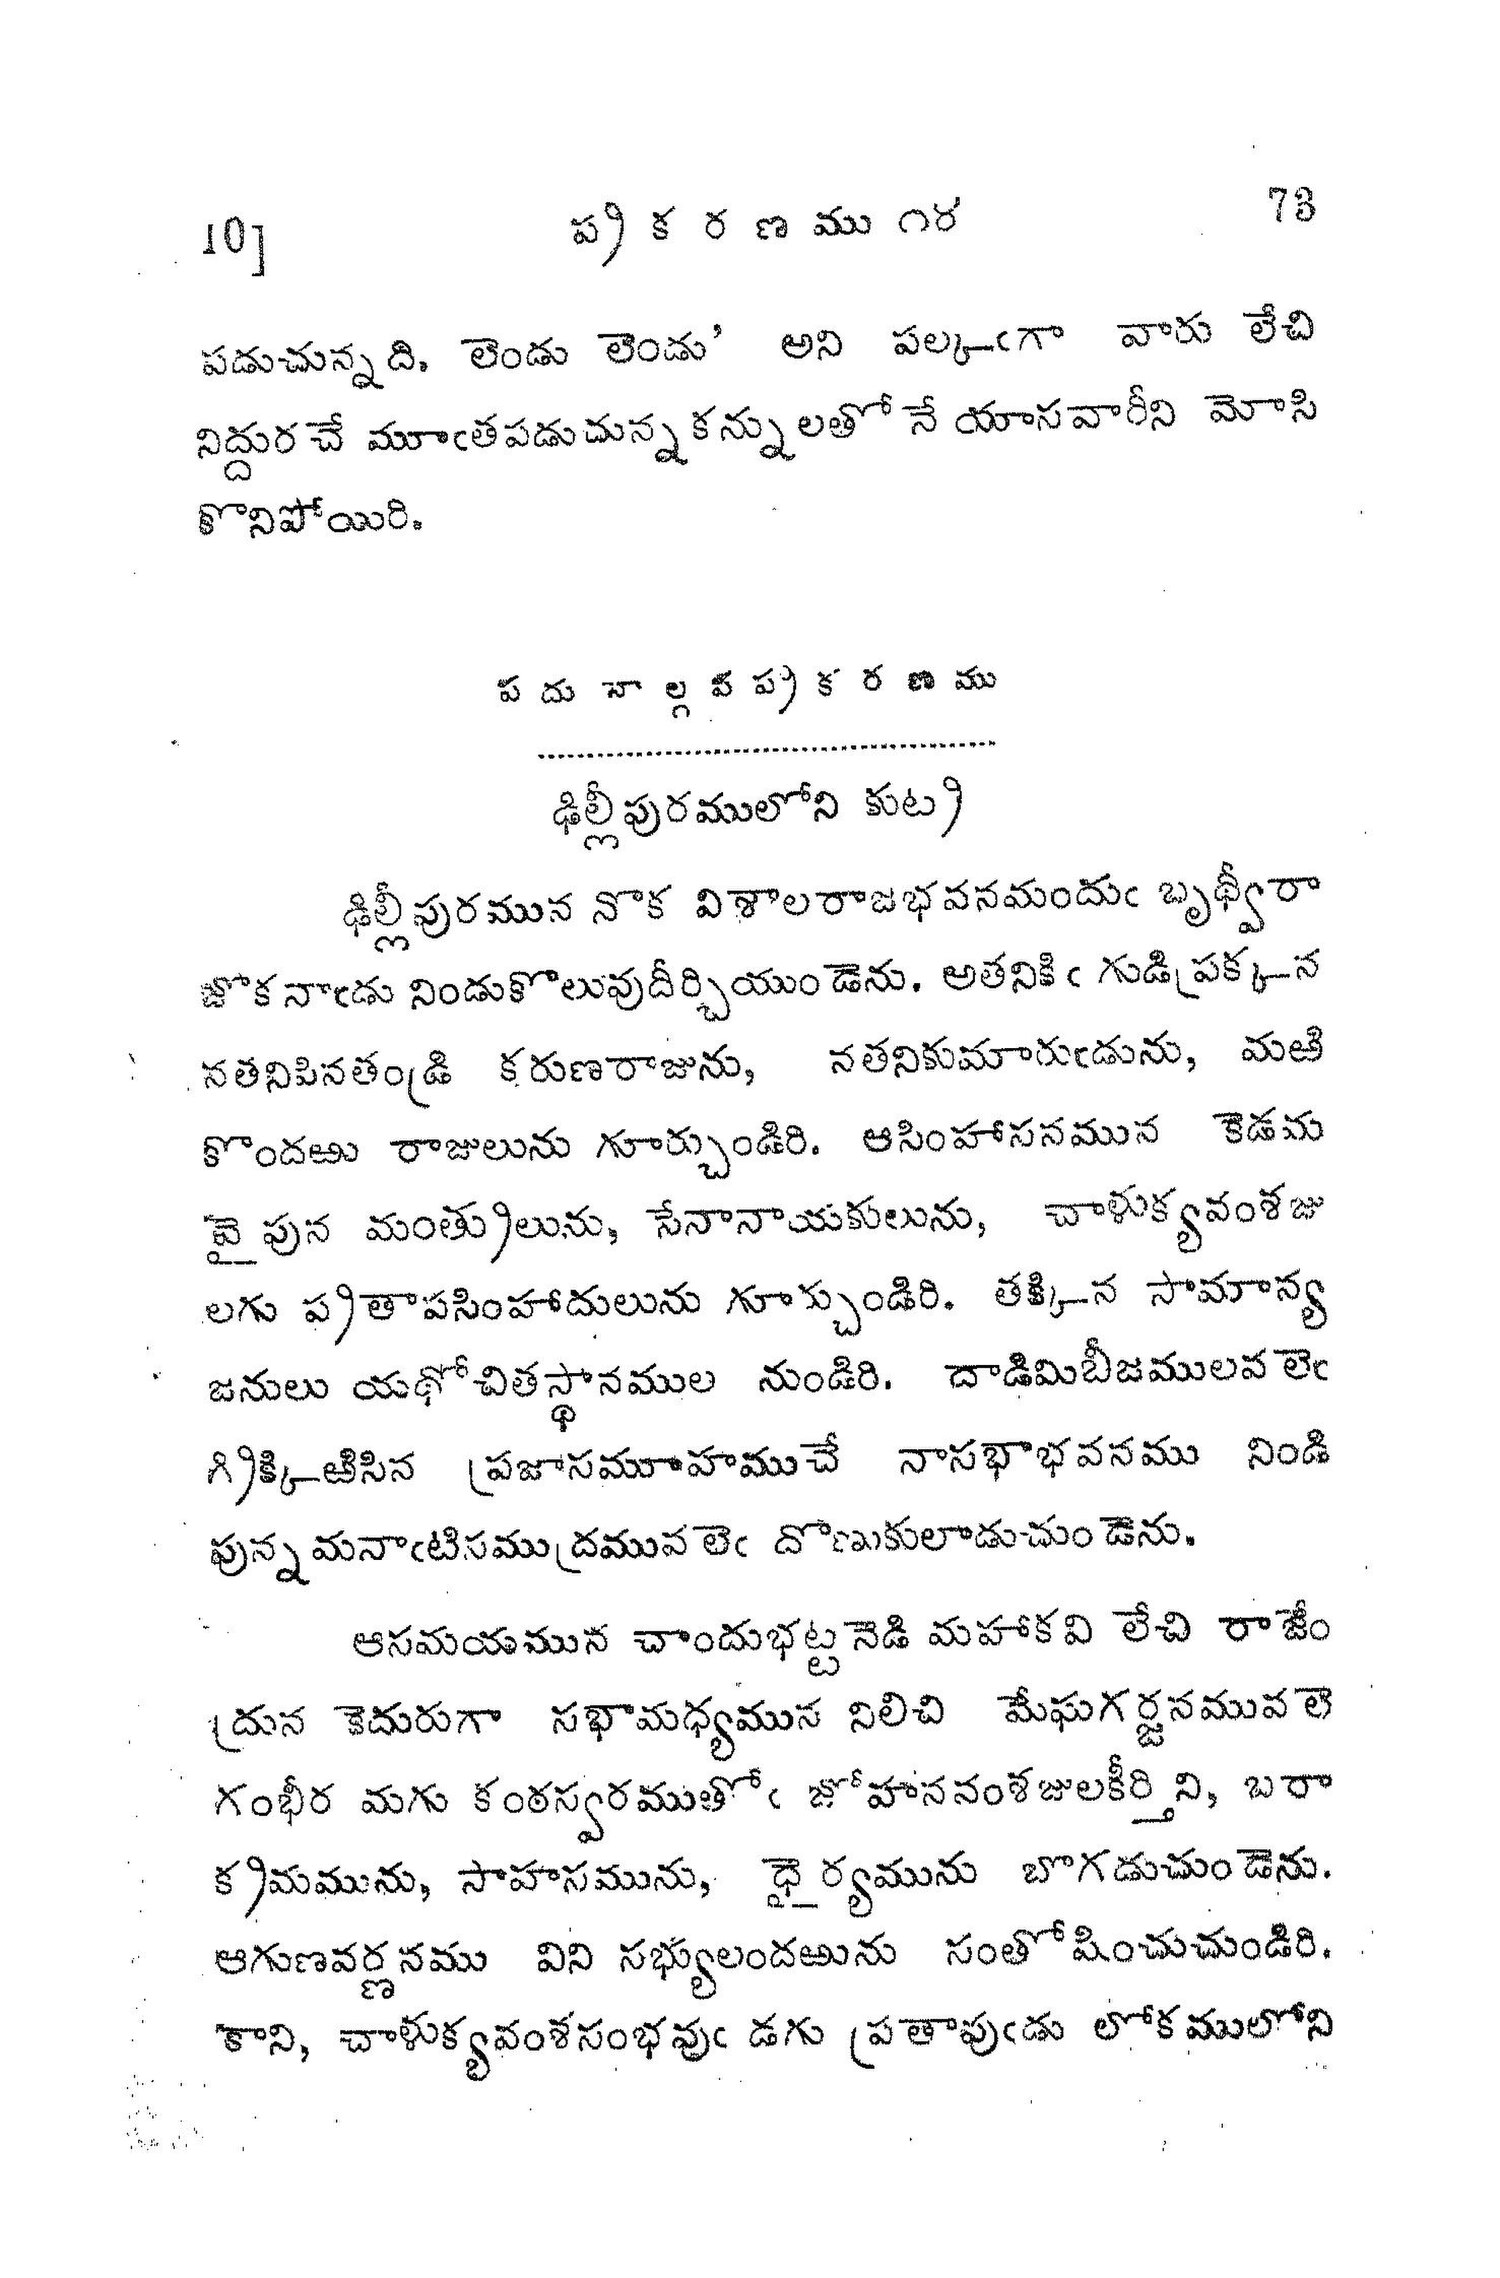పడుచున్నది. లెండు లెండు' అని పల్కఁగా వారు లేచి నిద్దురచే మూతపడుచున్నకన్నులతోనే యాసవారీని మోసికొనిపోయిరి.

ఢిల్లీపురమున నొకవిశాలరాజభవనమందుఁ బృథ్వీరా జొకనాఁడు నిండుకొలువుదీర్చియుండెను. అతనికిఁ గుడిప్రక్కన నతనిపినతండ్రి కరుణరాజును, నతనికుమారుఁడును, మఱి కొందఱు రాజులును గూర్చుండిరి. ఆసింహాసనమున కెడమవైపున మంత్రులును, సేనానాయకులును, చాళుక్యవంశజు లగు ప్రతాపసింహాదులును గూర్చుండిరి. తక్కిన సామాన్యజనులు యథోచితస్థానముల నుండిరి. దాడిమిబీజములవలెఁ గ్రిక్కిఱిసిన ప్రజాసమూహముచే నాసభాభవనము నిండి పున్నమనాఁటిసముద్రమువలెఁ దొణుకులాడుచుండెను.

ఆసమయమున చాందుభట్టనెడి మహాకవి లేచి రాజేంద్రున కెదురుగా సభామధ్యమున నిలిచి మేఘగర్జనమువలె గంభీర మగు కంఠస్వరముతోఁ జోహానవంశజులకీర్తిని, బరాక్రమమును, సాహసమును, ధైర్యమును బొగడుచుండెను. ఆగుణవర్ణనము విని సభ్యులందఱును సంతోషించుచుండిరి. కాని, చాళుక్యవంశసంభవుఁ డగు ప్రతావుఁడు లోకములోని